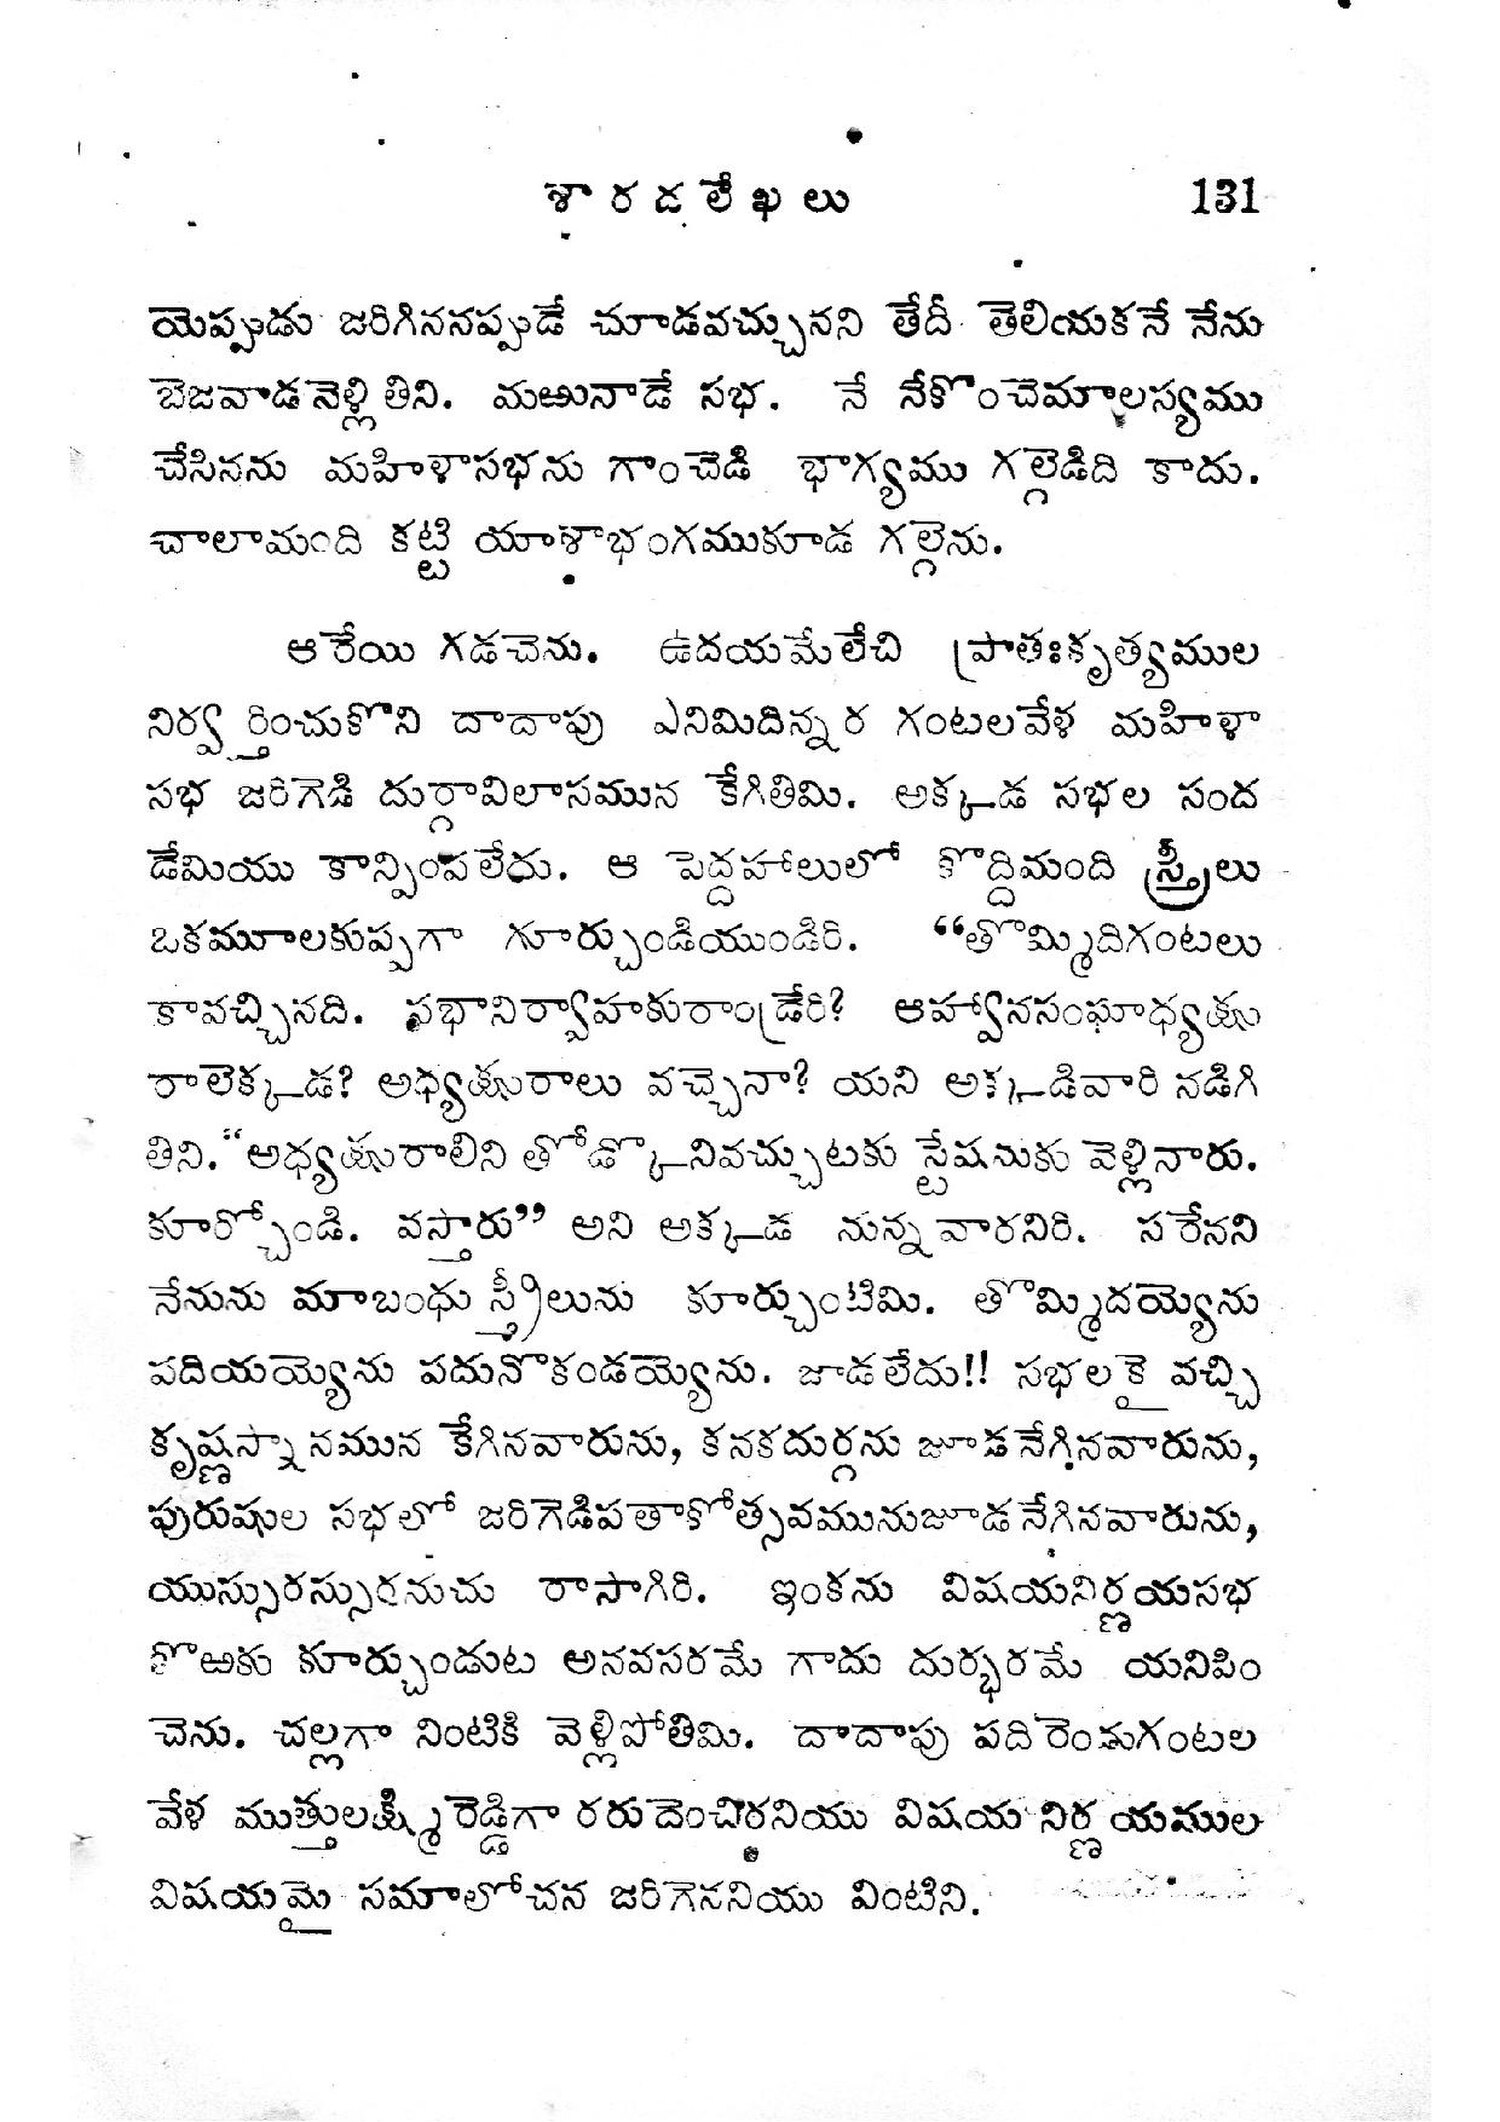యెప్పుడు జరిగిననప్పుడే చూడవచ్చునని తేదీ తెలియకనే నేను బెజవాడ వెళ్లితిని. మఱునాడే సభ. నే నేకొంచెమాలస్యము చేసినను మహిళాసభను గాంచెడి భాగ్యము గల్గెడిది కాదు. చాలామంది కట్టి యాశాభంగముకూడ గల్గెను.

ఆరేయి గడచెను. ఉదయమేలేచి ప్రాతఃకృత్యముల నిర్వర్తించుకొని దాదాపు ఎనిమిదిన్నర గంటలవేళ మహిళాసభ జరిగెడి దుర్గావిలాసమున కేగితిమి. అక్కడ సభల సందడేమియు కాన్పింపలేదు. ఆ పెద్దహాలులో కొద్దిమంది స్త్రీలు ఒకమూలకుప్పగా గూర్చుండియుండిరి. "తొమ్మిదిగంటలు కావచ్చినది. సభానిర్వాహకురాండ్రేరి? ఆహ్వానసంఘాధ్యక్షురాలెక్కడ? అధ్యక్షురాలు వచ్చెనా? యని అక్కడివారి నడిగితిని. "అధ్యక్షురాలిని తోడ్కొనివచ్చుటకు స్టేషనుకు వెళ్లినారు. కూర్చోండి. వస్తారు” అని అక్కడ నున్న వారనిరి. సరేనని నేనును మాబంధుస్త్రీలును కూర్చుంటిమి. తొమ్మిదయ్యెను పదియయ్యెను పదునొకండయ్యెను. జాడలేదు!! సభలకై వచ్చి కృష్ణస్నానమున కేగినవారును, కనకదుర్గను జూడనేగినవారును, పురుషుల సభలో జరిగెడిపతాకోత్సవమును జూడనేగినవారును, యుస్సురస్సురనుచు రాసాగిరి. ఇంకను విషయనిర్ణయసభకొఱకు కూర్చుండుట అనవసరమే గాదు దుర్భరమే యనిపించెను. చల్లగా నింటికి వెళ్లిపోతిమి. దాదాపు పదిరెండుగంటల వేళ ముత్తులక్ష్మిరెడ్డిగా రరుదెంచిరనియు విషయ నిర్ణయముల
విషయమై సమాలోచన జరిగెననియు వింటిని.